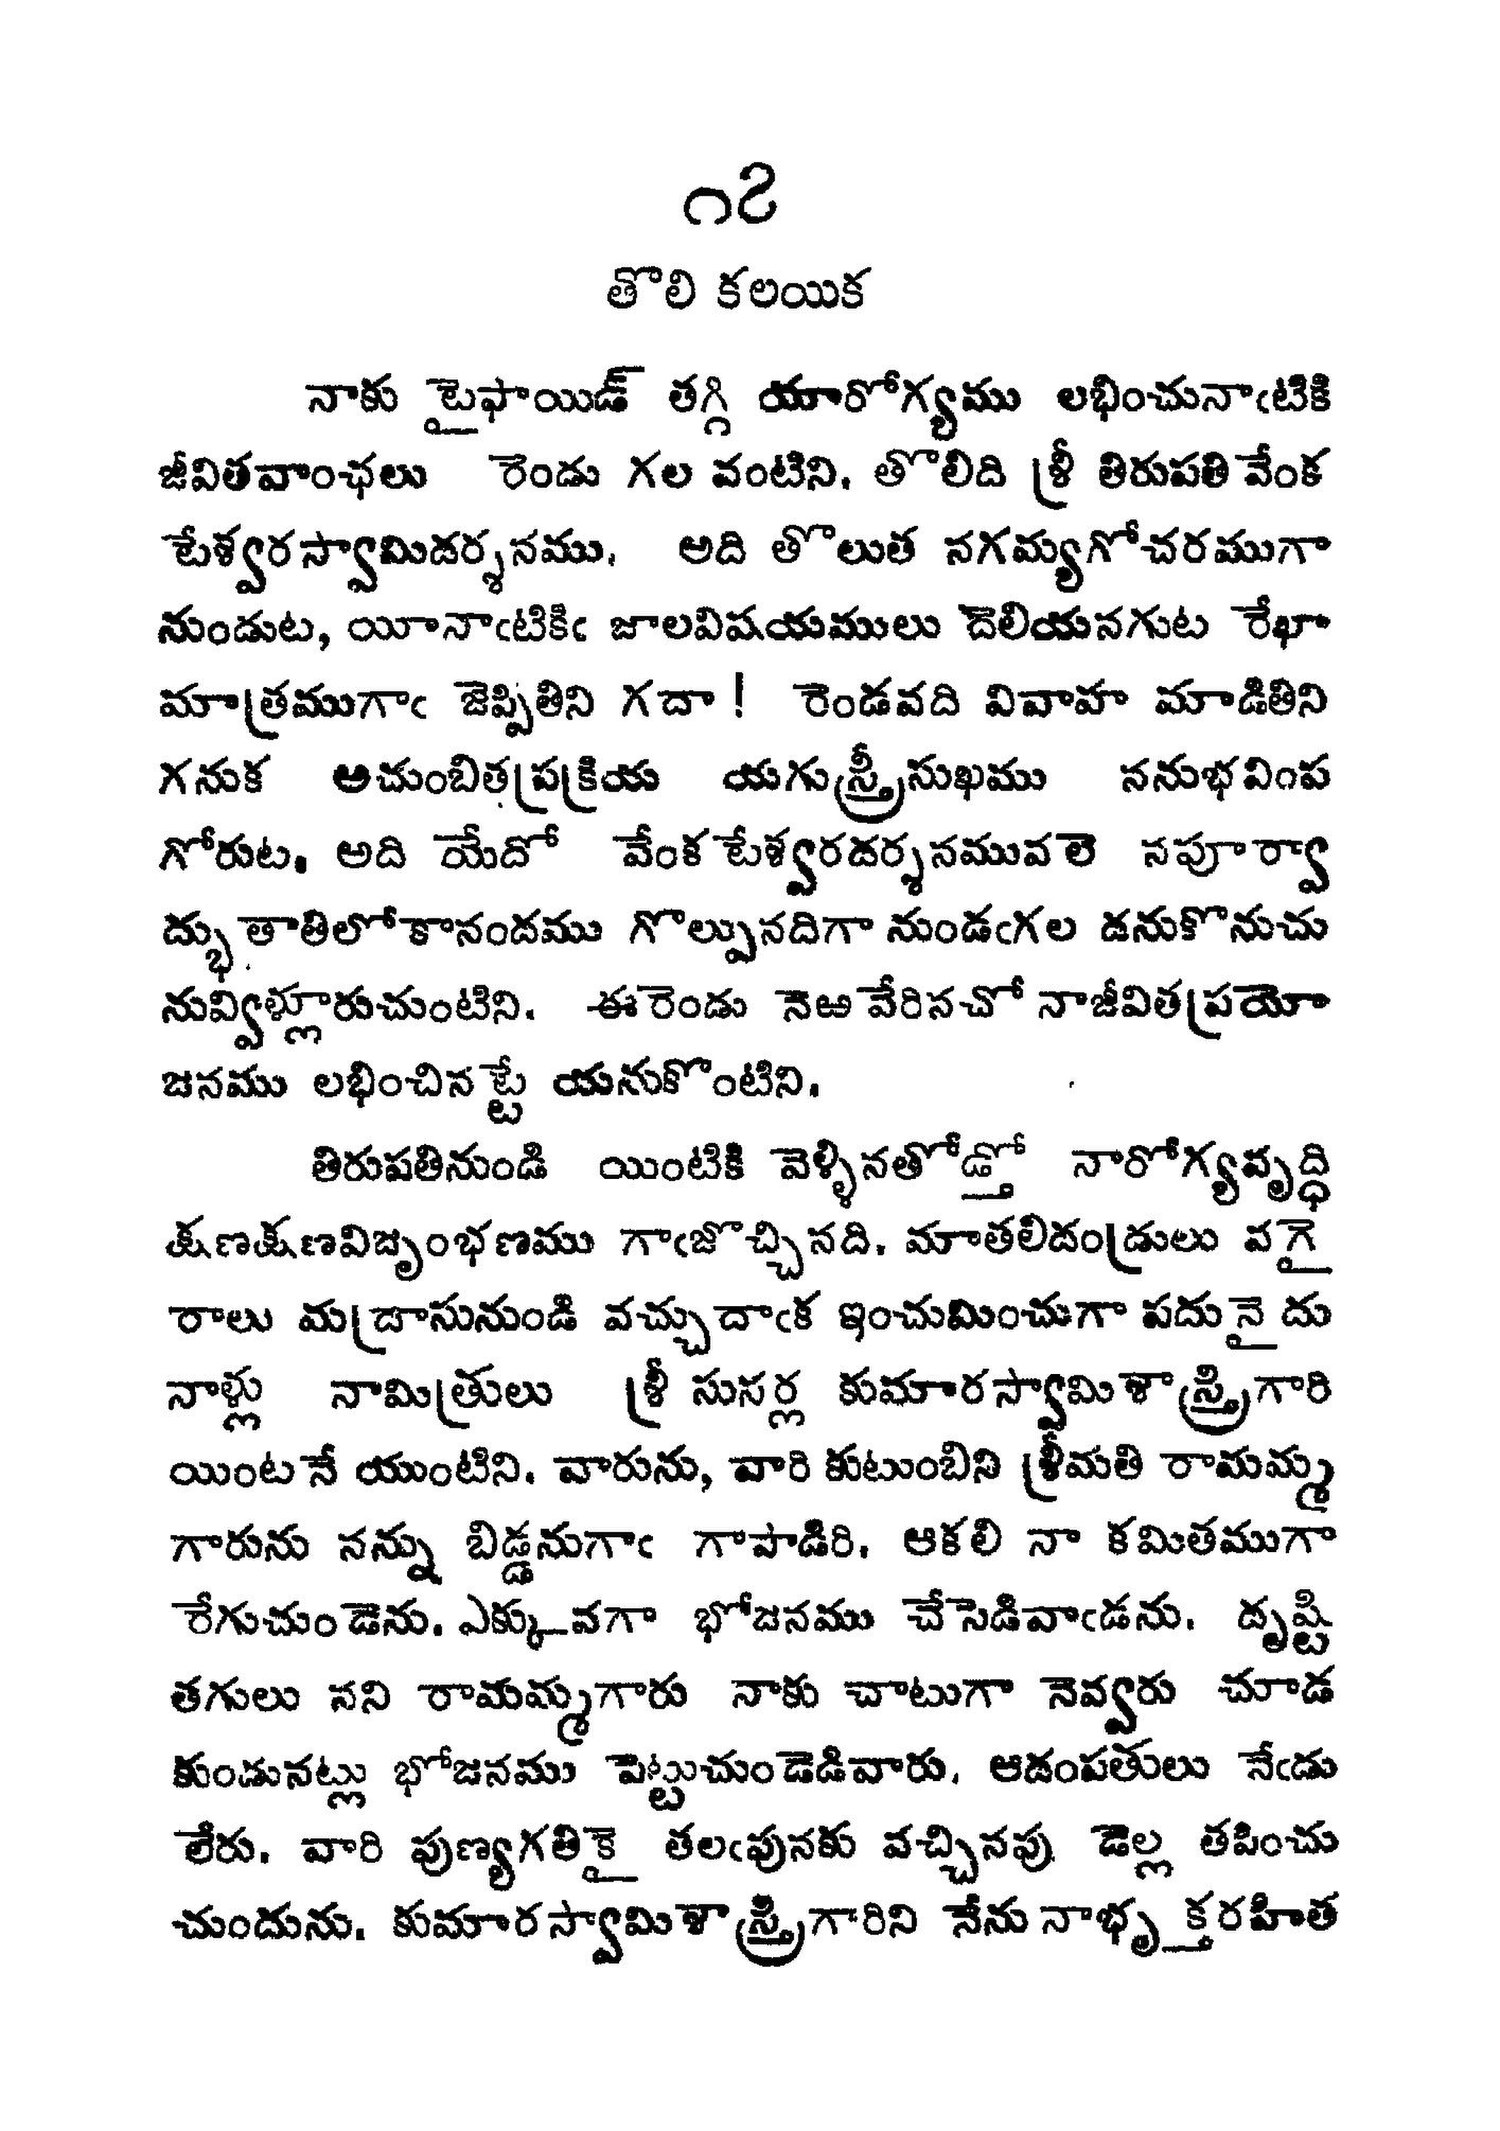నాకు టైఫాయిడ్ తగ్గి యారోగ్యము లభించు నాఁటికి జీవిత వాంఛలు రెండు గల వంటిని. తొలిది శ్రీ తిరుపతి వేంకటేశ్వరస్వామి దర్శనము. అది తొలుత నగమ్యగోచరముగా నుండుట, యీనాఁ టికిఁ జాల విషయములు దెలియ నగుట రేఖామాత్రముగాఁ జెప్పితిని గదా! రెండవది వివాహ మాడితిని గనుక అచుంబిత ప్రక్రియయ గుస్త్రీ సుఖము నను భవింపగోరుట. అది యేదో వేంకటేశ్వర దర్శనము వలె నపూర్వాద్భు తాతిలో కానందము గొల్పునదిగా నుండఁ గల దనుకొనుచు నువ్విళ్ళురుచుంటిని. ఈ రెండు నెఱవేరినచో నా జీవిత ప్రయోజనము లభించినట్టే యనుకొంటిని.

తిరుపతినుండి యింటికి వెళ్ళినతో డ్తో నారోగ్యవృద్ధి క్షణక్షణవిజ్రుంభణము గాఁజొచ్చినది. మా తలిదండ్రులు వగైరాలు మద్రాసునుండి వచ్చుదాఁక ఇంచుమించుగా పదునైనాళ్ళు నా మిత్రులు శ్రీ సుసర్ల కుమార స్వామి శాస్త్రి గారి యింటనే యుంటిని. వారును, వారి కుటుంబిని శ్రీమతి రామమ్మ గారును నన్నుబిడ్డను గాఁగాపాడిరి. ఆకలి నాక మితము గారేగుచుండెను. ఎక్కువగా భోజనము చేసెడి వాఁ డను. దృష్టి తగులు నని రామమ్మ గారు నాకు చాటుగా భోజనము చూడ కుండు నట్లు భోజనము పెట్టుచుండెడి వారు. ఆ దంపతులు నేఁడు లేరు. వారి పుణ్య గతికై తలఁపు నాకు వచ్చినపు డెల్ల తపించుచుందును. కుమారస్వామి శాస్త్రిగారిని నేను నా భృక్తరహిత